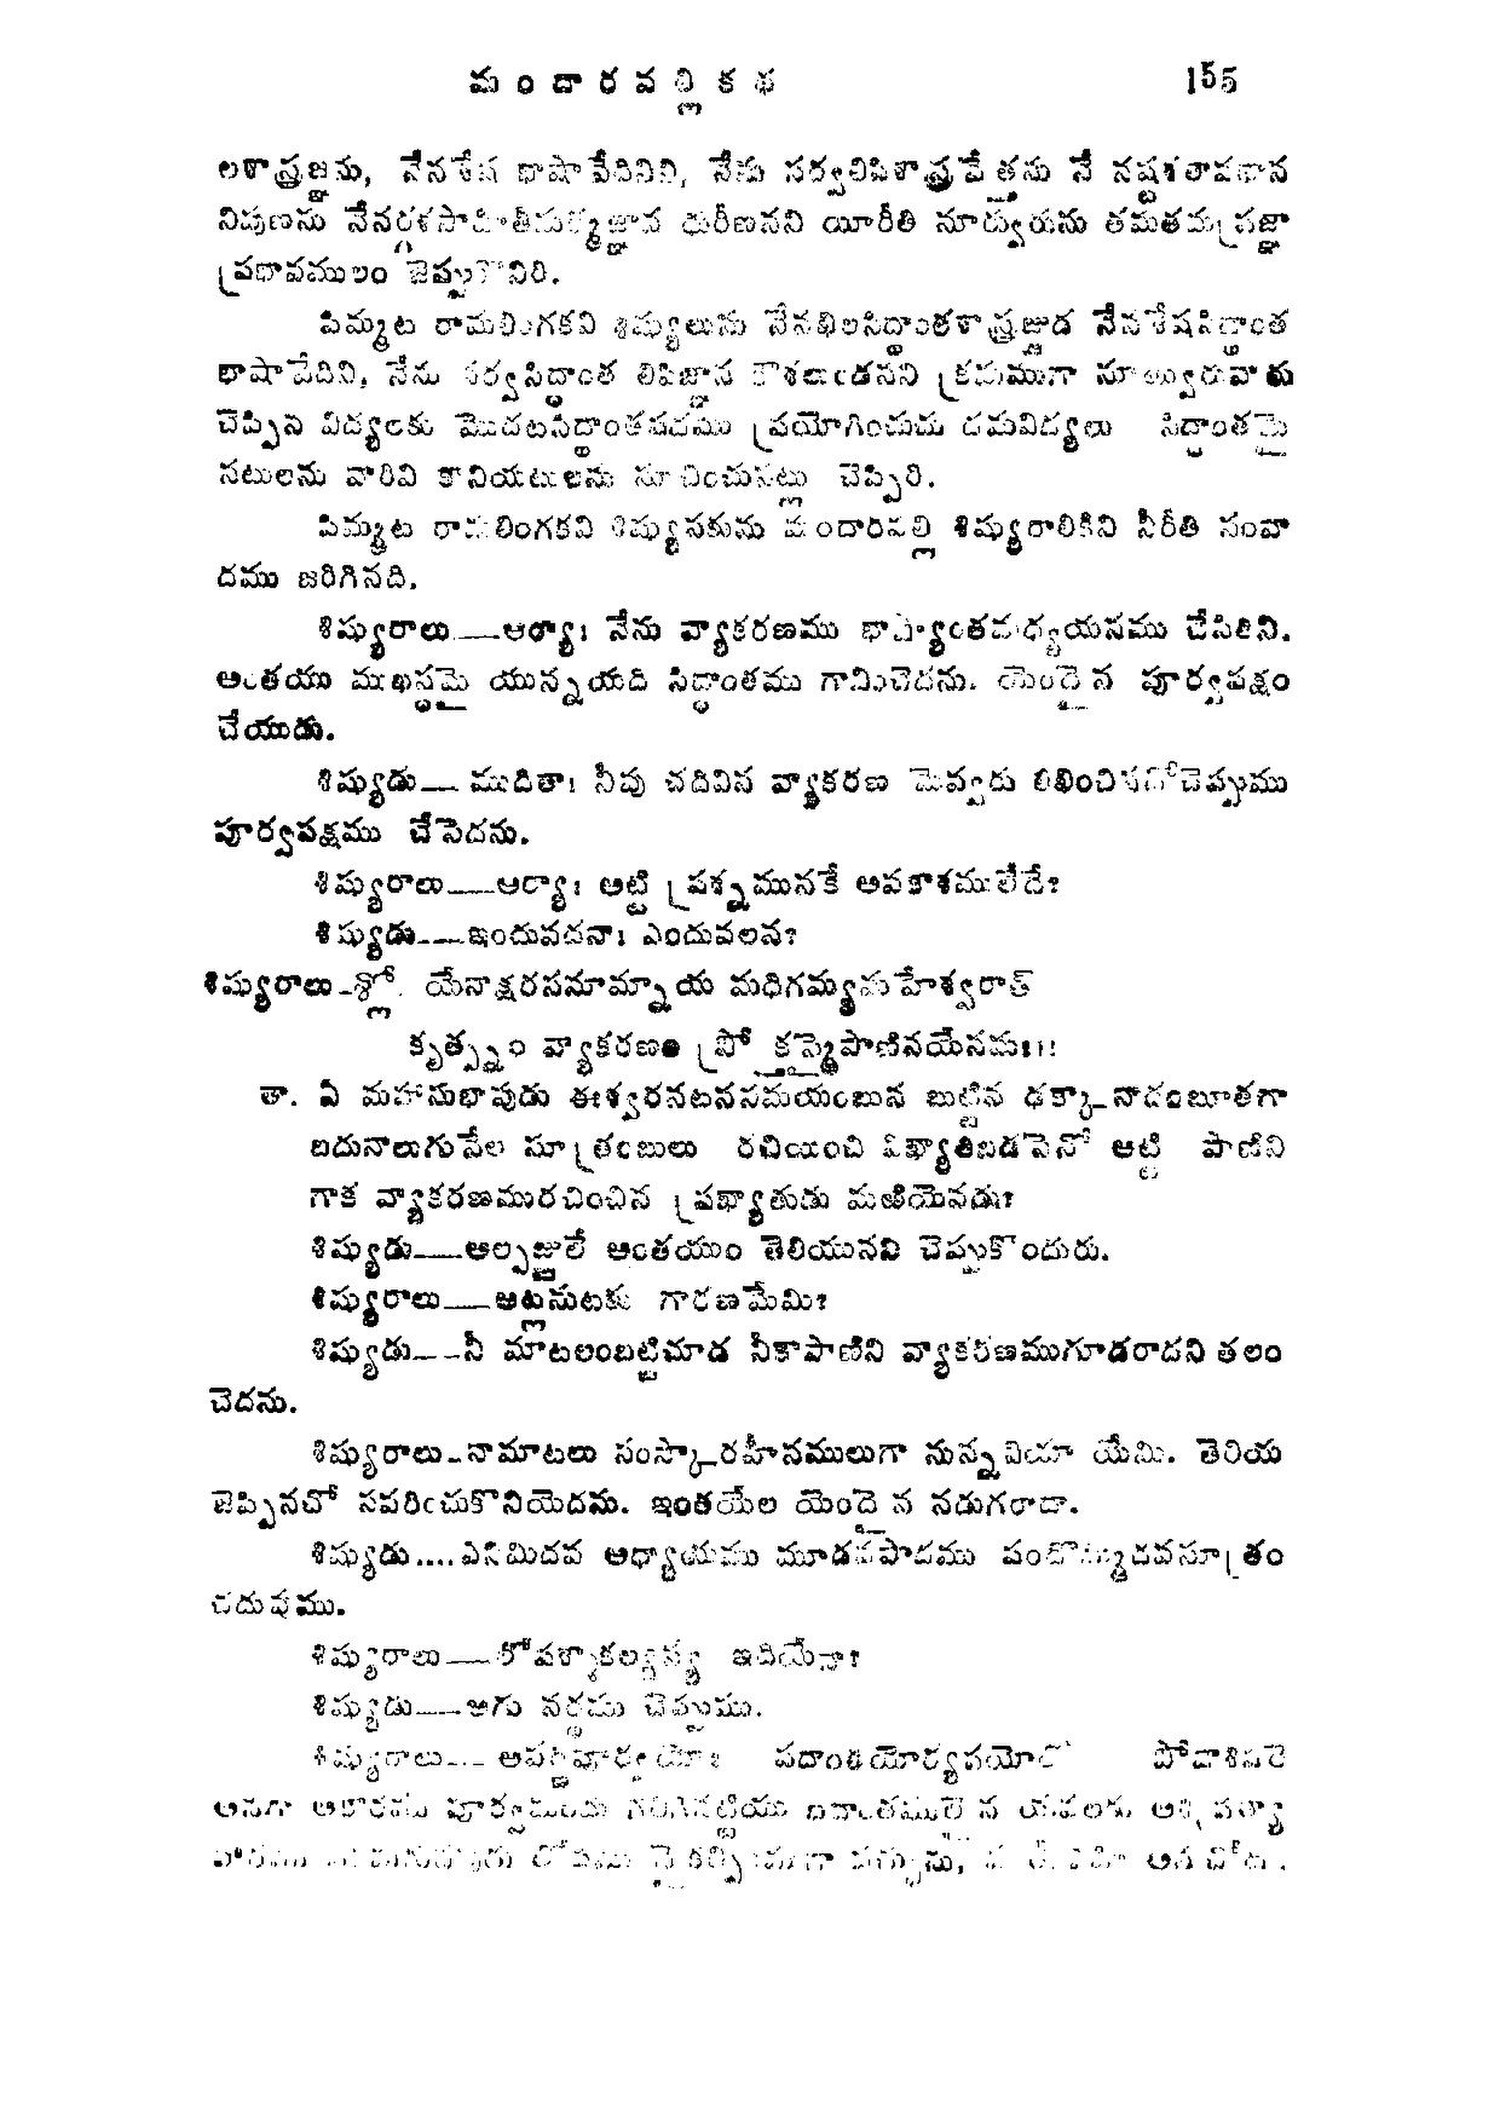లశాస్త్రజ్ఞను, నేనశేషభాషావేదినిని, నేను సర్వలిపిశాస్త్రవేత్తను నే నష్టశతావధాననిపుణను నే vనర్గళసాహితీcjdమజ్ఞానధురీణనని యీరీతి నూర్వురును తమతమప్రజ్ఞాప్రభావములం జెప్పుకొనిరి.

పిమ్మట రామలింగకవి శిష్యులును నే నఖిలసిద్ధాంతశాస్త్రజ్ఞుడ నే నశేషసిద్దాంతభాషావేదిని, నేను సర్వసిద్ధాంతలిపిజ్ఞానకౌశలుండనని క్రమముగా నూఱ్వురువారు చెప్పిన విద్యలకు మొదటసిద్దాంతపదము ప్రయోగించుచు దమవిద్యలు సిద్దాంతమై నటులను వారివి కానియటులను సూచించునట్లు చెప్పిరి.

పిమ్మట రామలింగకవి శిష్యునకును మందారవల్లి శిష్యురాలికిని నీరీతి సంవాదము జరిగినది.

శిష్యురాలు -- ఆర్యా! నేను వ్యాకరణము భాష్యాంత మధ్యయనము చేసితిని. అంతయు ముఖస్థమై యున్నయది సిద్ధాంతము గావించెదను. యెందైన పూర్వపక్షం చేయుడు.

శిష్యుడు -- ముదితా! నీవు చదివిన వ్యాకరణ మెవ్వరు లిఖించినదో చెప్పుము పూర్వపక్షము చేసెదను.

శిష్యురాలు - ఆర్యా! అట్టి ప్రశ్నమునకే అవకాశములేదే?

శిష్యుడు - ఇందువదనా! ఎందువలన?

శిష్యురాలు - శ్లో. యేనాక్షరసమామ్నాయ మధిగమ్యమహేశ్వరాత్

కృత్స్నం వ్యాకరణం ప్రోక్తస్మైపాణినయేనమః!!

తా. ఏ మహానుభావుడు ఈశ్వరనటనసమయంబున బుట్టిన ఢక్కానాదం బూతగా బదునాలుగువేల సూత్రంబులు రచియించి విఖ్యాతిబడసెనో అట్టి పాణిని గాక వ్యాకరణమురచించిన ప్రఖ్యాతుడు మఱియెవడు?

శిష్యుడు - అల్పజ్ఞులే అంతయుం తెలియునని చెప్పుకొందురు.

శిష్యురాలు -- అట్లనుటకు గారణమేమి?

శిష్యుడు - నీ మాటలంబట్టిచూడ నీకాపాణిని వ్యాకరణముగూడరాదని తలంచెదను.

శిష్యురాలు - నామాటలు సంస్కారహీనములుగా నున్నవియా యేమి. తెలియ జెప్పినచో సవరించుకొనియెదను. ఇంతయేల యెందైన నడుగరాదా.

శిష్యుడు - ఎనిమిదవ అధ్యాయము మూడవపాదము పందొమ్మిదవసూత్రం చదువుము.

శిష్యురాలు -- లోపశ్శాకల్యస్య ఇదియేనా ?

శిష్యుడు - అగు నర్థము చెప్పుము.

శిష్యురాలు - అవర్ణపూర్వయోః పదాంతయోర్యపయో లోపోవాశి వలె అనగా ఆకారము పూర్వమందు గలిగినట్టియు బదాంతములైన యవలకు ఆశిప్రత్యాహారము పరమగునపుడు లోపము వైకల్పితముగా వచ్చును. ------